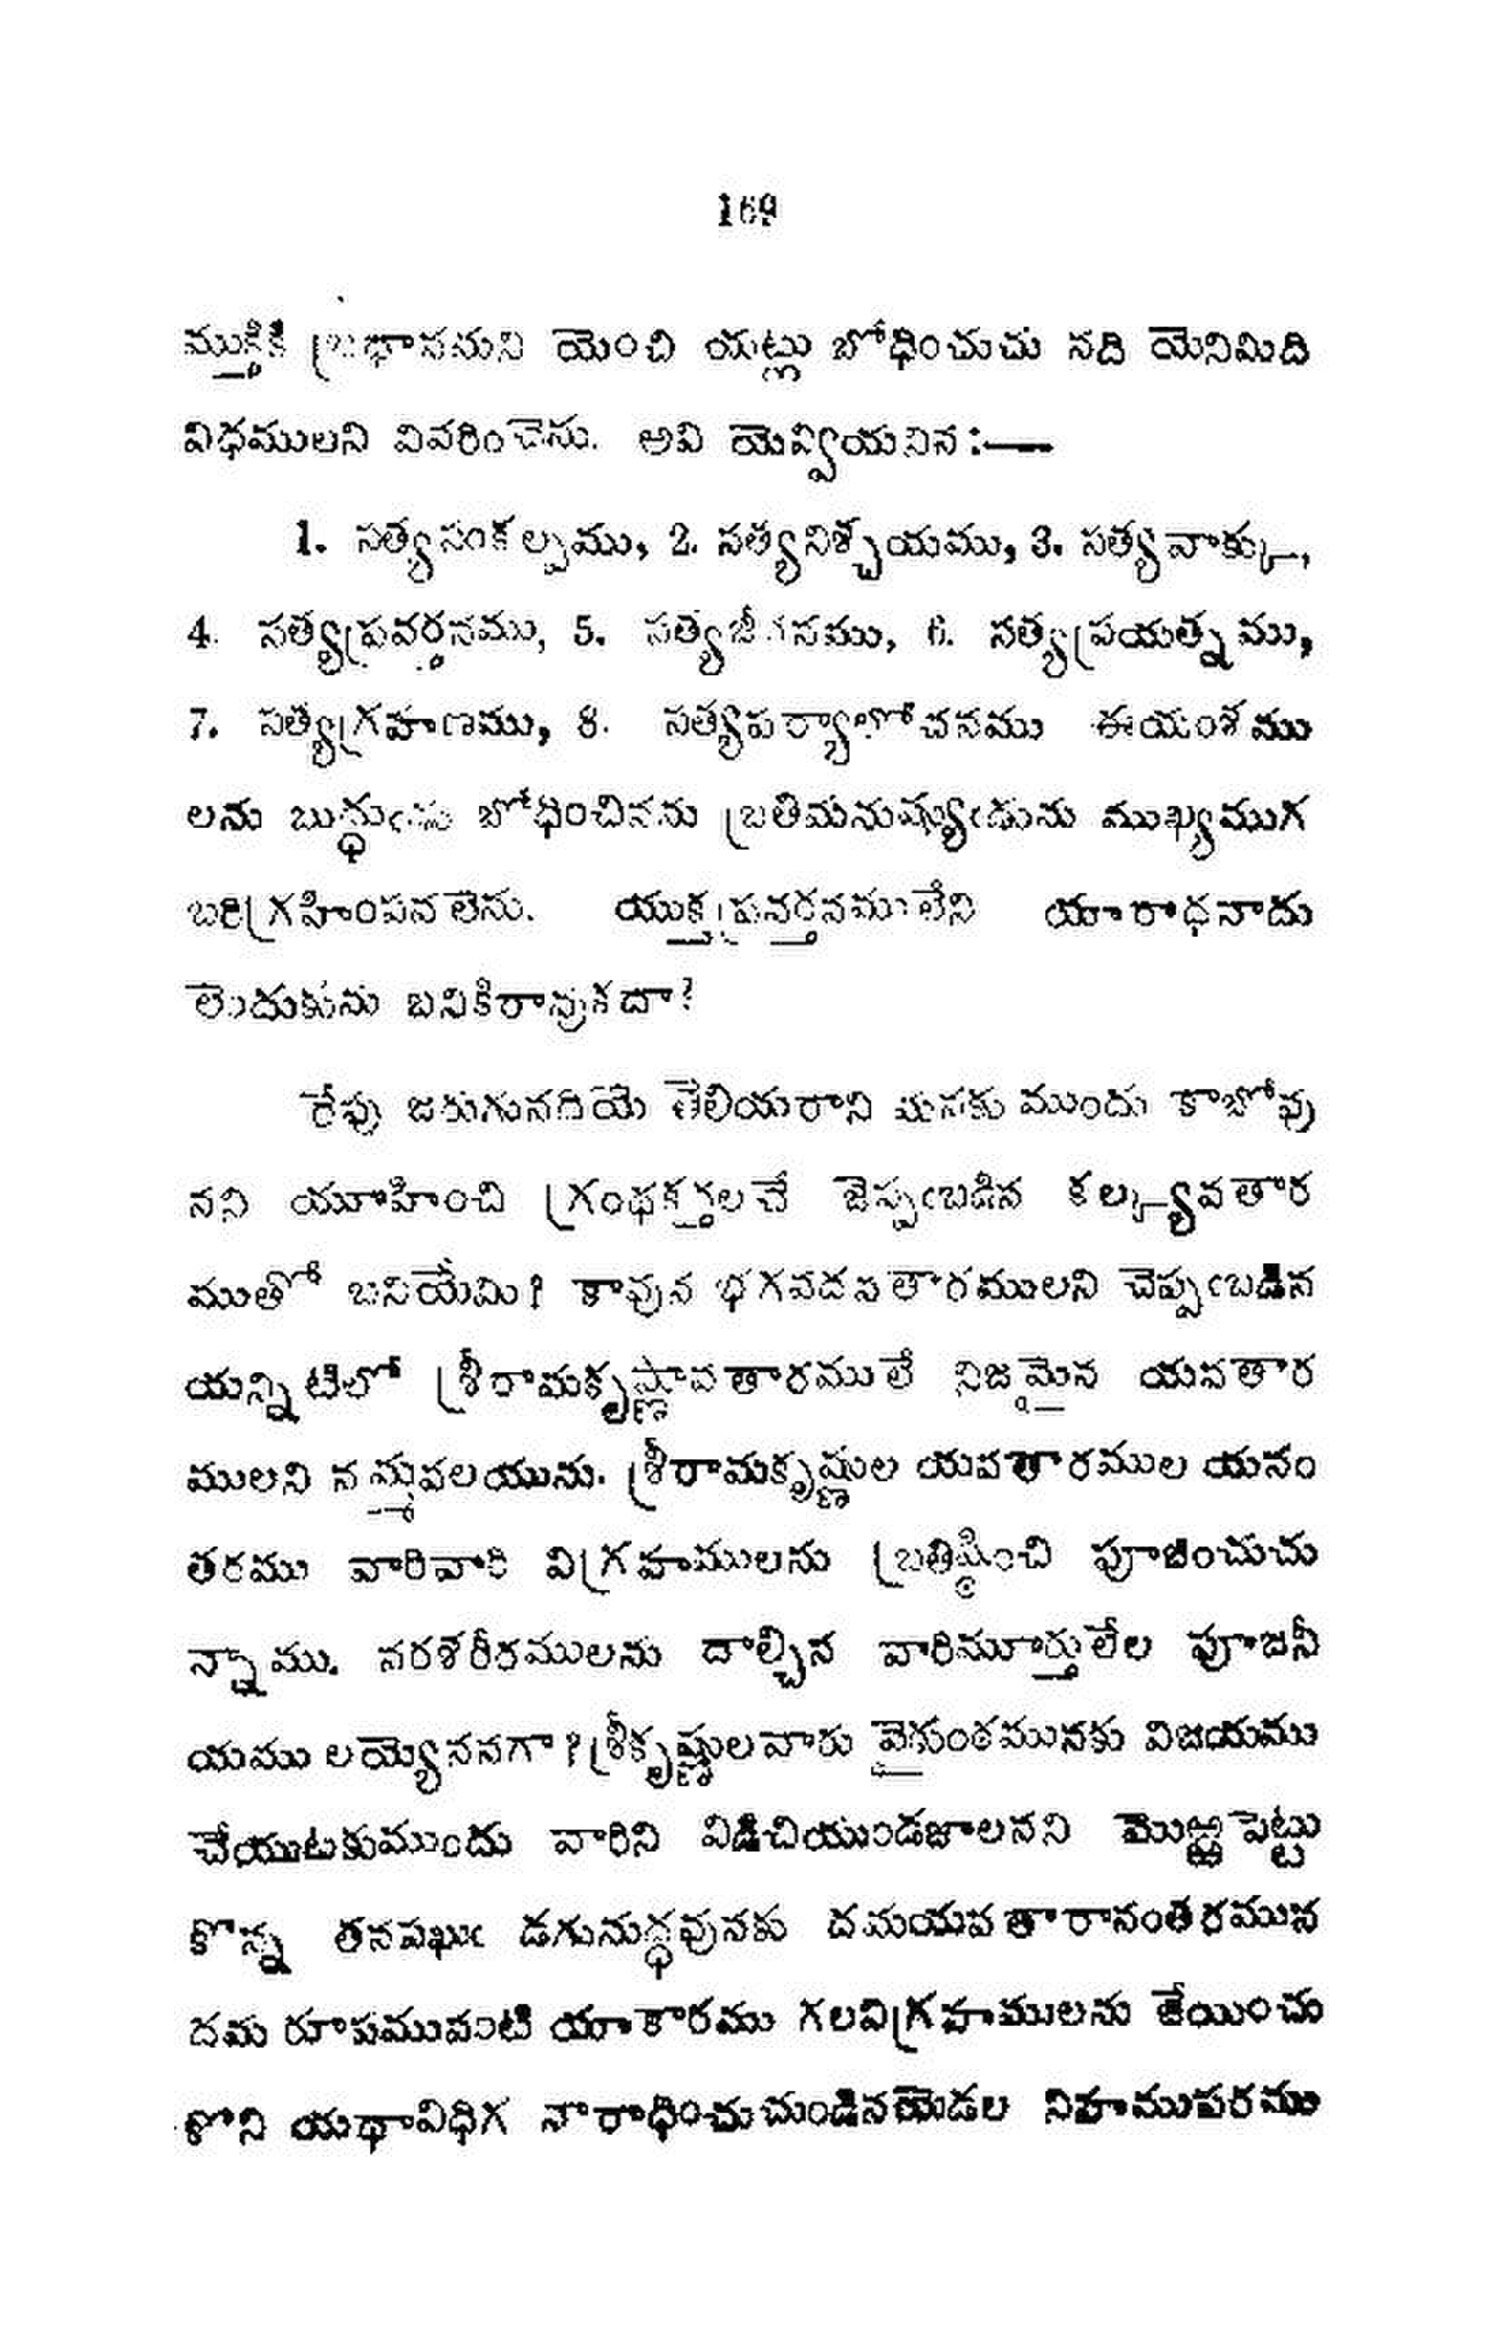ముక్తికి బ్రధానమని యెంచి యట్లు బోధించుచు నది యెనిమిది విధములని వివరించెను. అవి యెవ్వియనిన :-

1. సత్యసంకల్పము, 2. సత్యనిశ్చయము, 3. సత్యవాక్కు, 4. సత్యప్రవర్తనము, 5. సత్యజీవనము, 6. సత్యప్రయత్నము, 7. సత్యగ్రహణము, 8. సత్యపర్యాలోచనము ఈయంశములను బుద్ధుఁడు బోధించినను బ్రతిమనుష్యుఁడును ముఖ్యముగ బరిగ్రహింపవలెను. యుక్తప్రవర్తనములేని యారాధనాదు లెందుకును బనికిరావుకదా!

రేపు జరుగునదియె తెలియరాని మనకు ముందు కొబోవునని యూహించి గ్రంథకర్తలచే జెప్పఁబడిన కల్క్యవతారముతో బనియేమి ? కావున భగవదవతారములని చెప్పఁబడిన యన్నిటిలో శ్రీరామకృష్ణావతారములే నిజమైన యవతారములని నమ్మవలయును. శ్రీరామకృష్ణుల యవతారముల యనంతరము వారివారి విగ్రహములను బ్రతిష్ఠించి పూజించుచున్నాము. నరశరీరములను దాల్చిన వారిమూర్తులేల పూజనీయము లయ్యెననగా ? శ్రీకృష్ణులవారు వైకుంఠమునకు విజయము చేయుటకుముందు వారిని విడిచియుండజాలనని మొఱ్ఱపెట్టుకొన్న తనసఖుఁ డగునుధ్ధవునకు దమయవతారానంతరమున దమ రూపమువంటి యాకారము గలవిగ్రహములను జేయించుకొని యథావిధిగ నారాధించుచుండినయెడల నిహముపరము